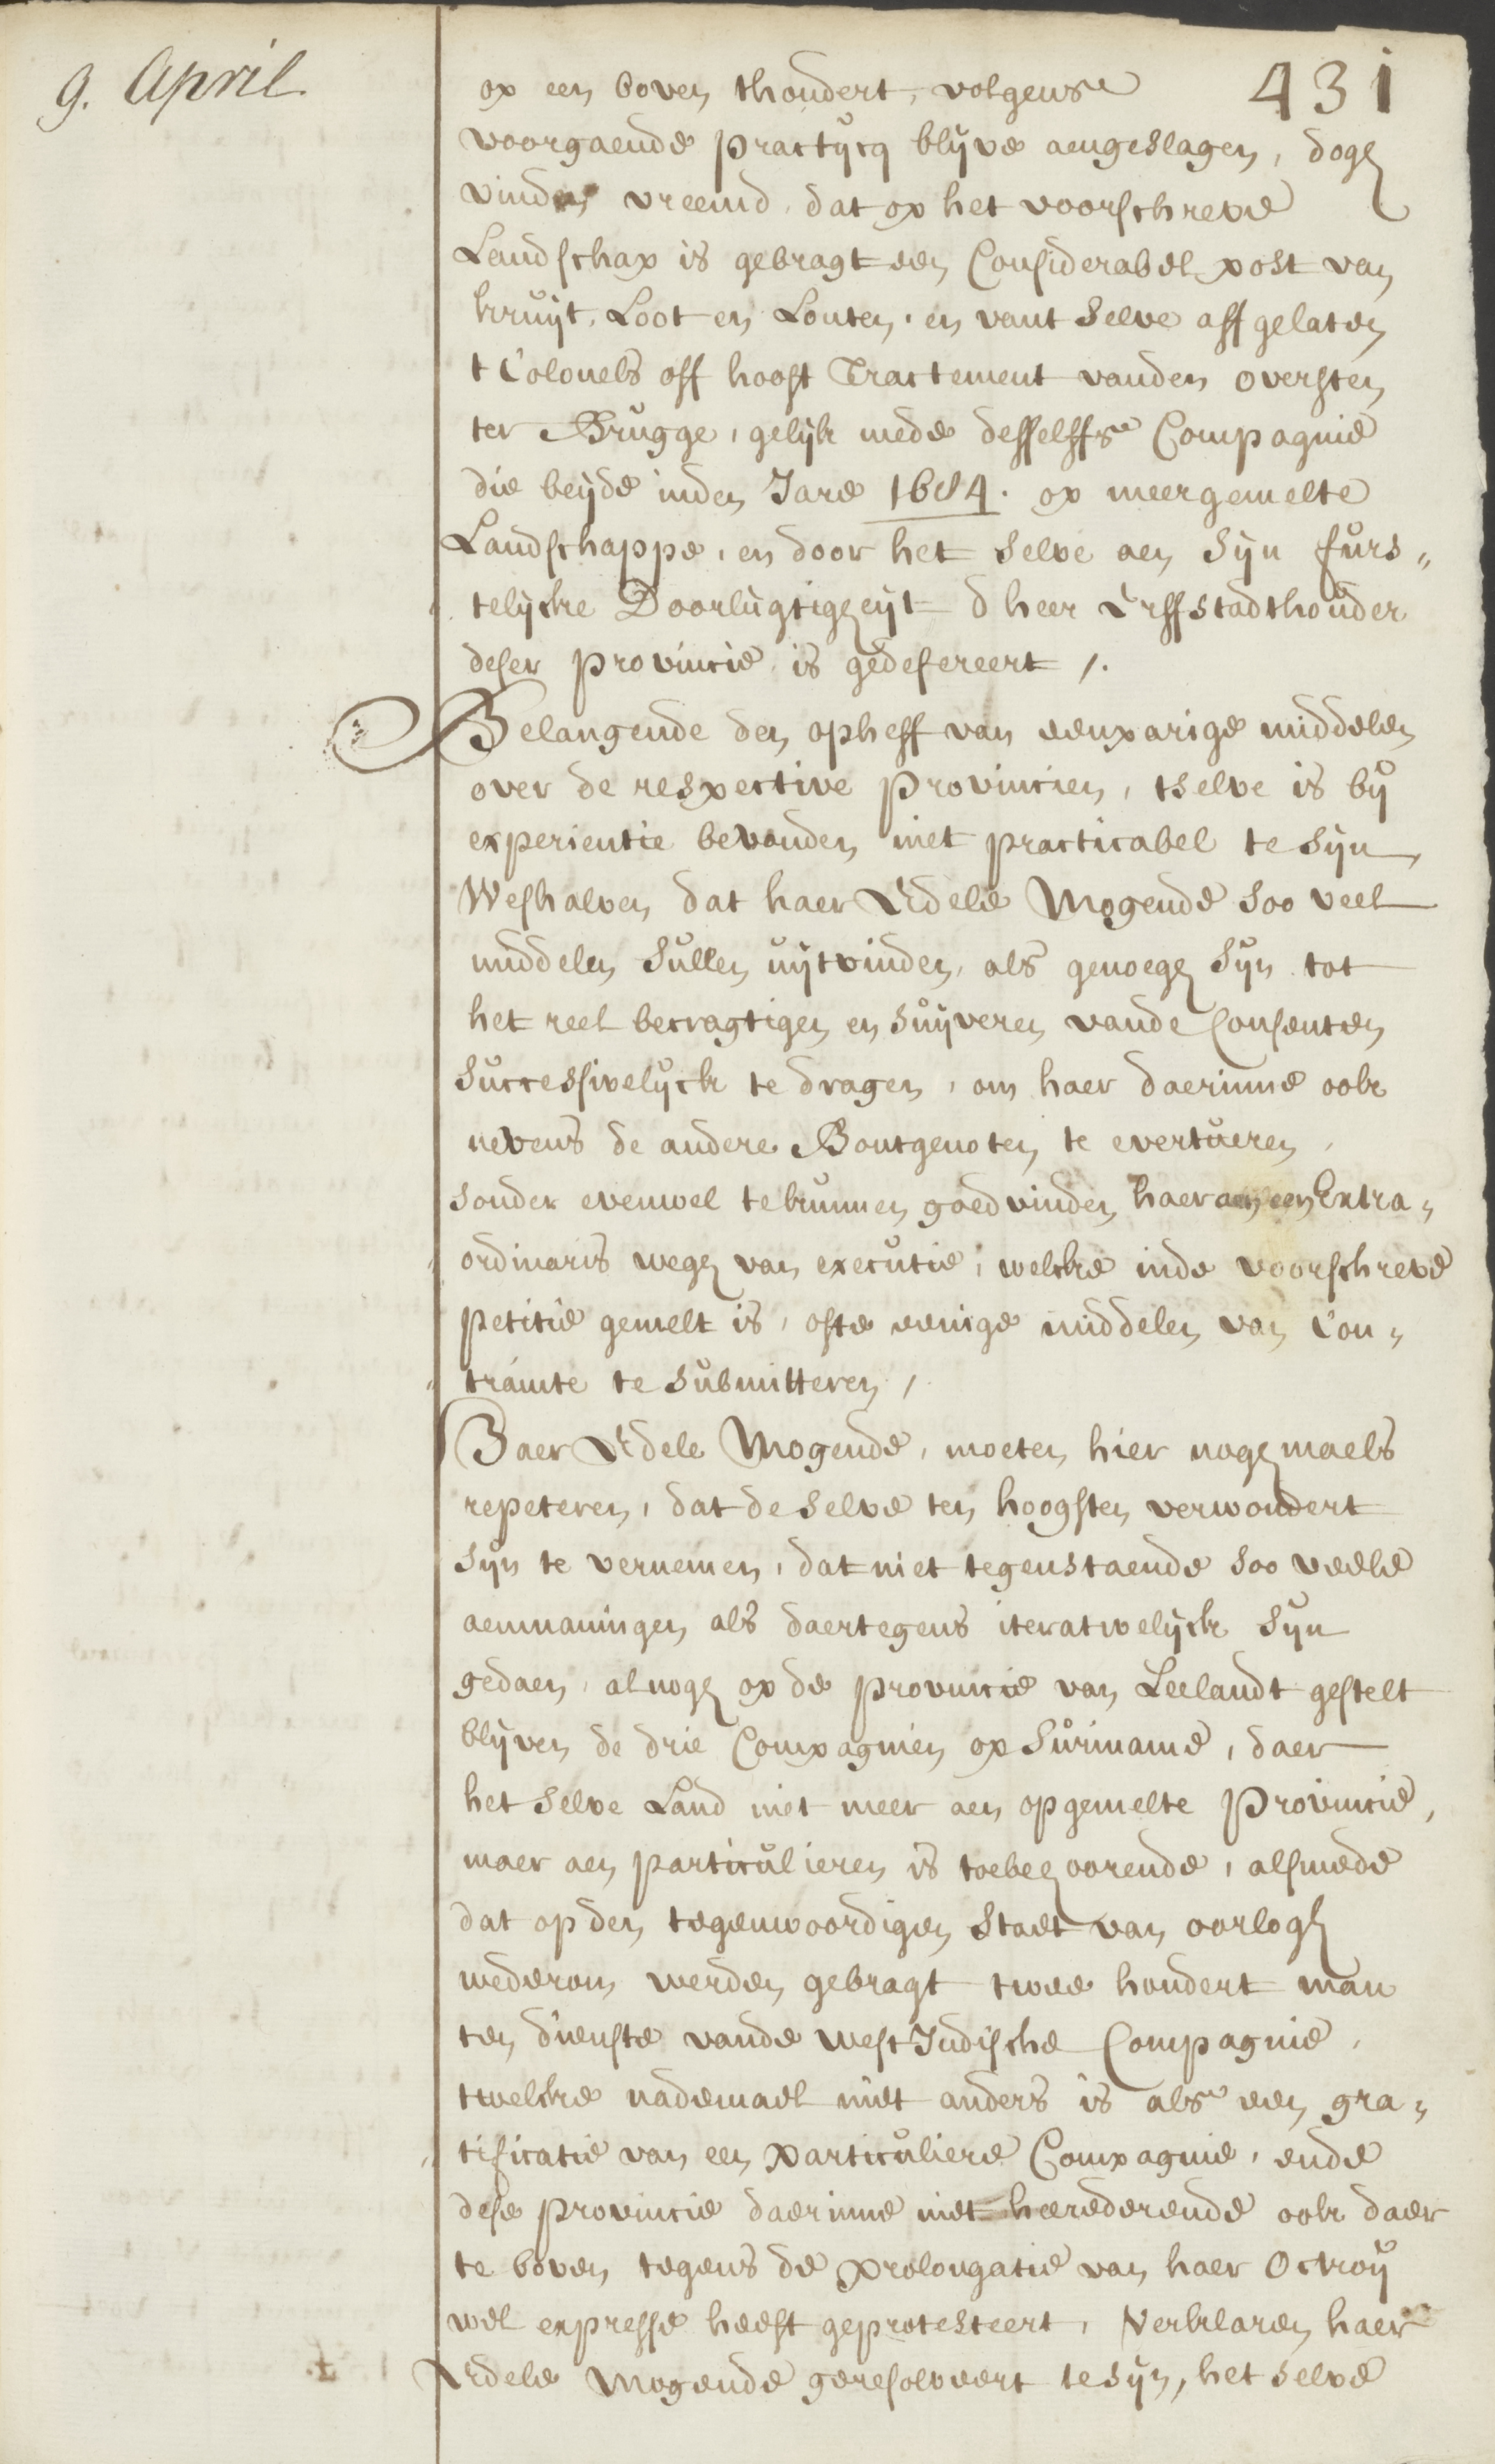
431
9. April.
op een boven thondert, volgens
voorgaende practijcq blijve aengeslagen, dogh
vinden vreemd, dat op het voorschreve
Landschap is gebragt een Considerabel post van
kruijt, Loot en Lonten, en van‛t selve affgelaten
‛t Colonels off hooft Tractement vanden oversten
ter Brugge, gelijk mede desselffse Compagnie
die beijde inden Jare 1684. op meergemelte
Landschappe, en door het selve aen sijn furs,
telijcke Doorlugtigheijt d'heer Erffstadthonder
deser provincie, is gedefereert.
Belangende den opheff van eenparige middelen
over de respective provincien, tselve is bij
experientie bevonden niet practicabel te sijn
Weshalven dat haer Edele mogende soo veel
middelen sullen uijtvinden, als genoegh sijn, tot
het reel becragtigen en suijveren vande consenten
sucressivelijck te dragen, om haer daerinne ook
nevens de andere Bontgenoten te evertueren,
sonder evenwel te kunnen goedvinden haer aen een Extra,,
ordinaris wegh van executie, welcke inde voorschreve
petitie gemelt is, ofte eenige middelen van Con„
trainte te submitteren,
Haer Eidele Mogende, moeten hier noghmaels
repeteren, dat deselve ten hoogsten verwondert
sijn te vernemen, dat niet tegenstaende soo veel
aenmaningen als daertegens iterativelijck sijn
gedaen, alnogh op de provincie van Zeelandt gestelt
blijven de drie Compagnien op Suriname, daer
het selve Land niet meer aen opgemelte Provincie
maer aen particulieren is toebehoorende, alsmede
dat op den tegenwoordigen Staet van oorlogh
wederom werden gebragt twee hondert man
ten dienste vande westIndische Compagnie,
twelcke nademael niet anders is als een gra„
tificatie van een Particuliere Compagnie, ende
dese provincie daerinne niet heerederende ook daer
te boven tegens de prolongatie van haer Octroij
wel expresse heeft geprotesteert, Verklaren haer
Edele mogende geresolveert te sijn, het selve
